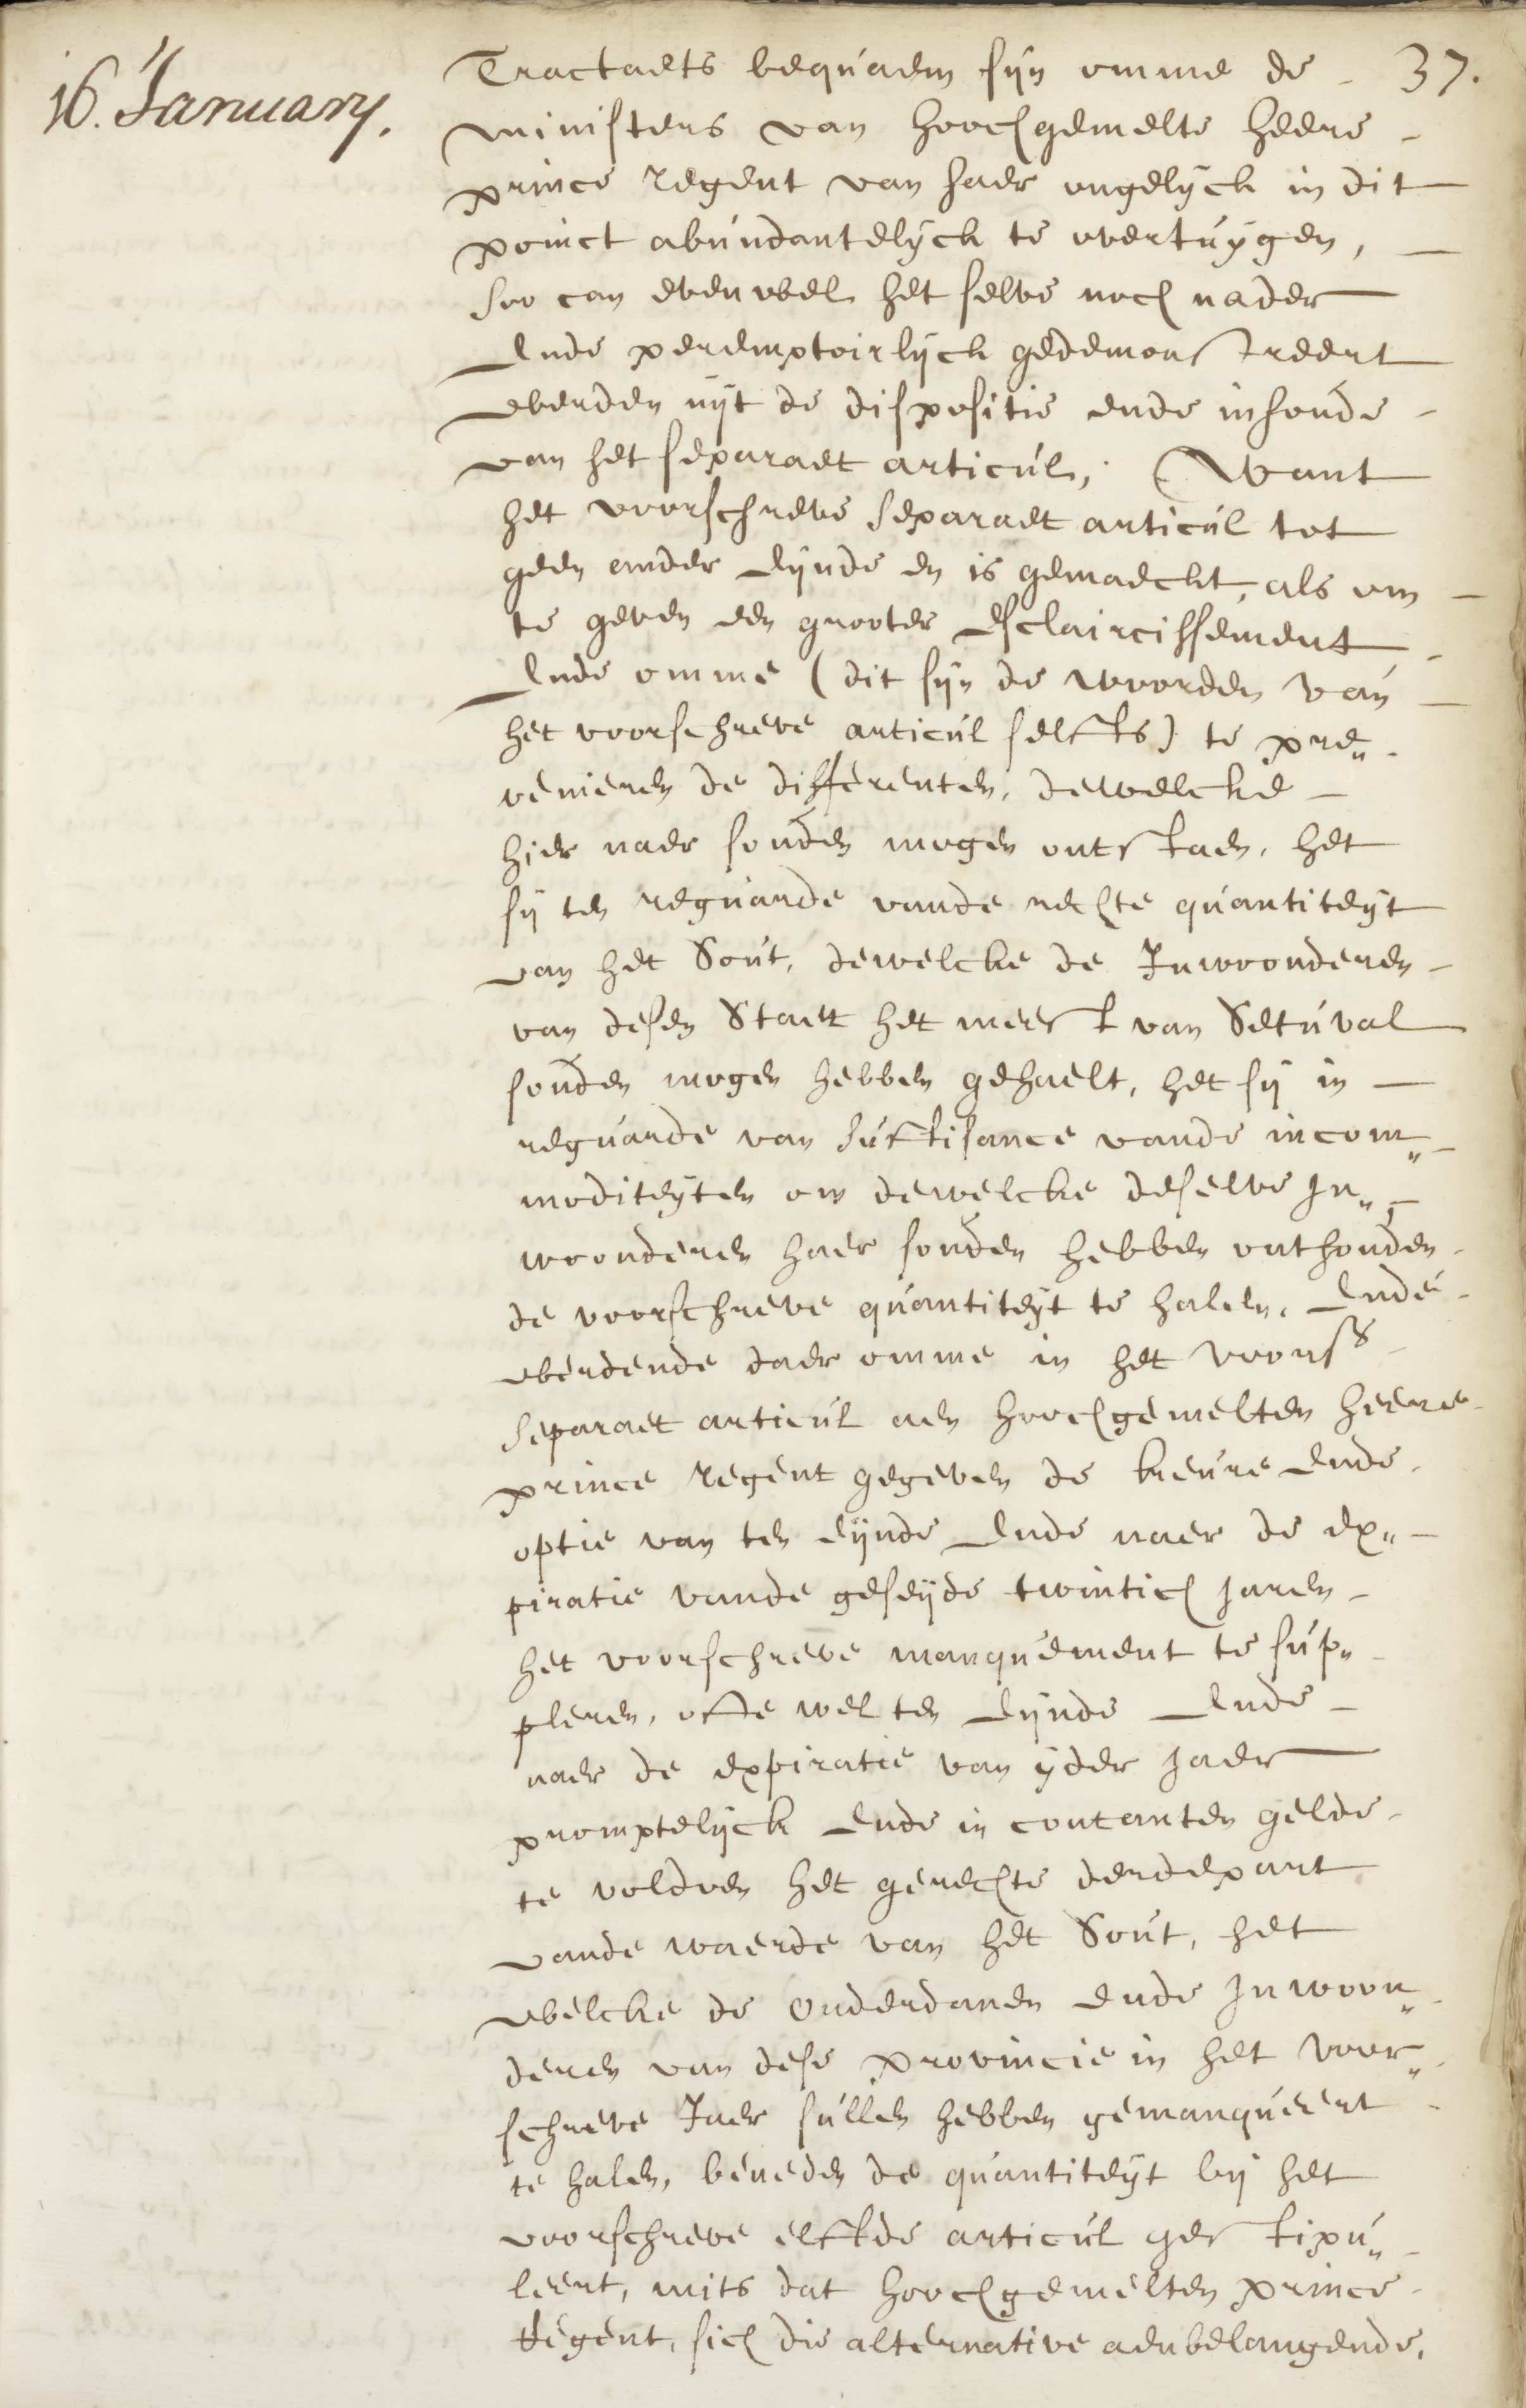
37.
16. January.
Tractaets bequaem sijn omme de
ministers van hoochgemelte heere
prince regent van haer ongelijck in dit
poinct abundantelijck te overtuijgen,
soo can evenwel het selve noch nader
ende peremptoirlijck gedemonstreert
werden uijt de dispositie ende inhoude
van het separaet articul; Want
het voorschreve separaet articul tot
geen ander eijnde en is gemaeckt, als om
te geven een grooter esclaircissement,
Ende omme (dit sijn de woorden van
het voorschreve articul selffs) te pre„
venieren de differenten, dewelcke
hier naer souden mogen ontstaen, het
sij ten reguarde vande rechte quantiteijt
van het Sout, dewelcke de Inwoonderen
van desen Staet het meest van Setuval
souden mogen hebben gehaelt, het sij in
reguarde van suffisance vande incom„
moditeijten om dewelcke deselve In„
woonderen haer souden hebben onthouden
de voorschreve quantiteijt te halen. Ende
werdende daer omme in het voors
separaet articul aen hoochgemelten heere
prince regent gegeven de keure ende
optie van ten eijnde ende naer de ex„
piratie vande geseijde twintich jaren
het voorschreve manquement te sup„
pleren, ofte wel ten eijnde ende
naer de expiratie van ijder jaer
promptelijck ende in contanten gelde
te voldoen het gerechte derdepart
vande waerde van het Sout, het
welcke de onderdanen ende Inwoon„
deren van dese provincie in het voor„
schreve Jaer sullen hebben gemanqueert
te halen, beneden de quantiteijt bij het
voorschreve elffde articul gestipu„
leert, mits dat hoochgemelten prince
Regent, sich die alternative aen belangende.
